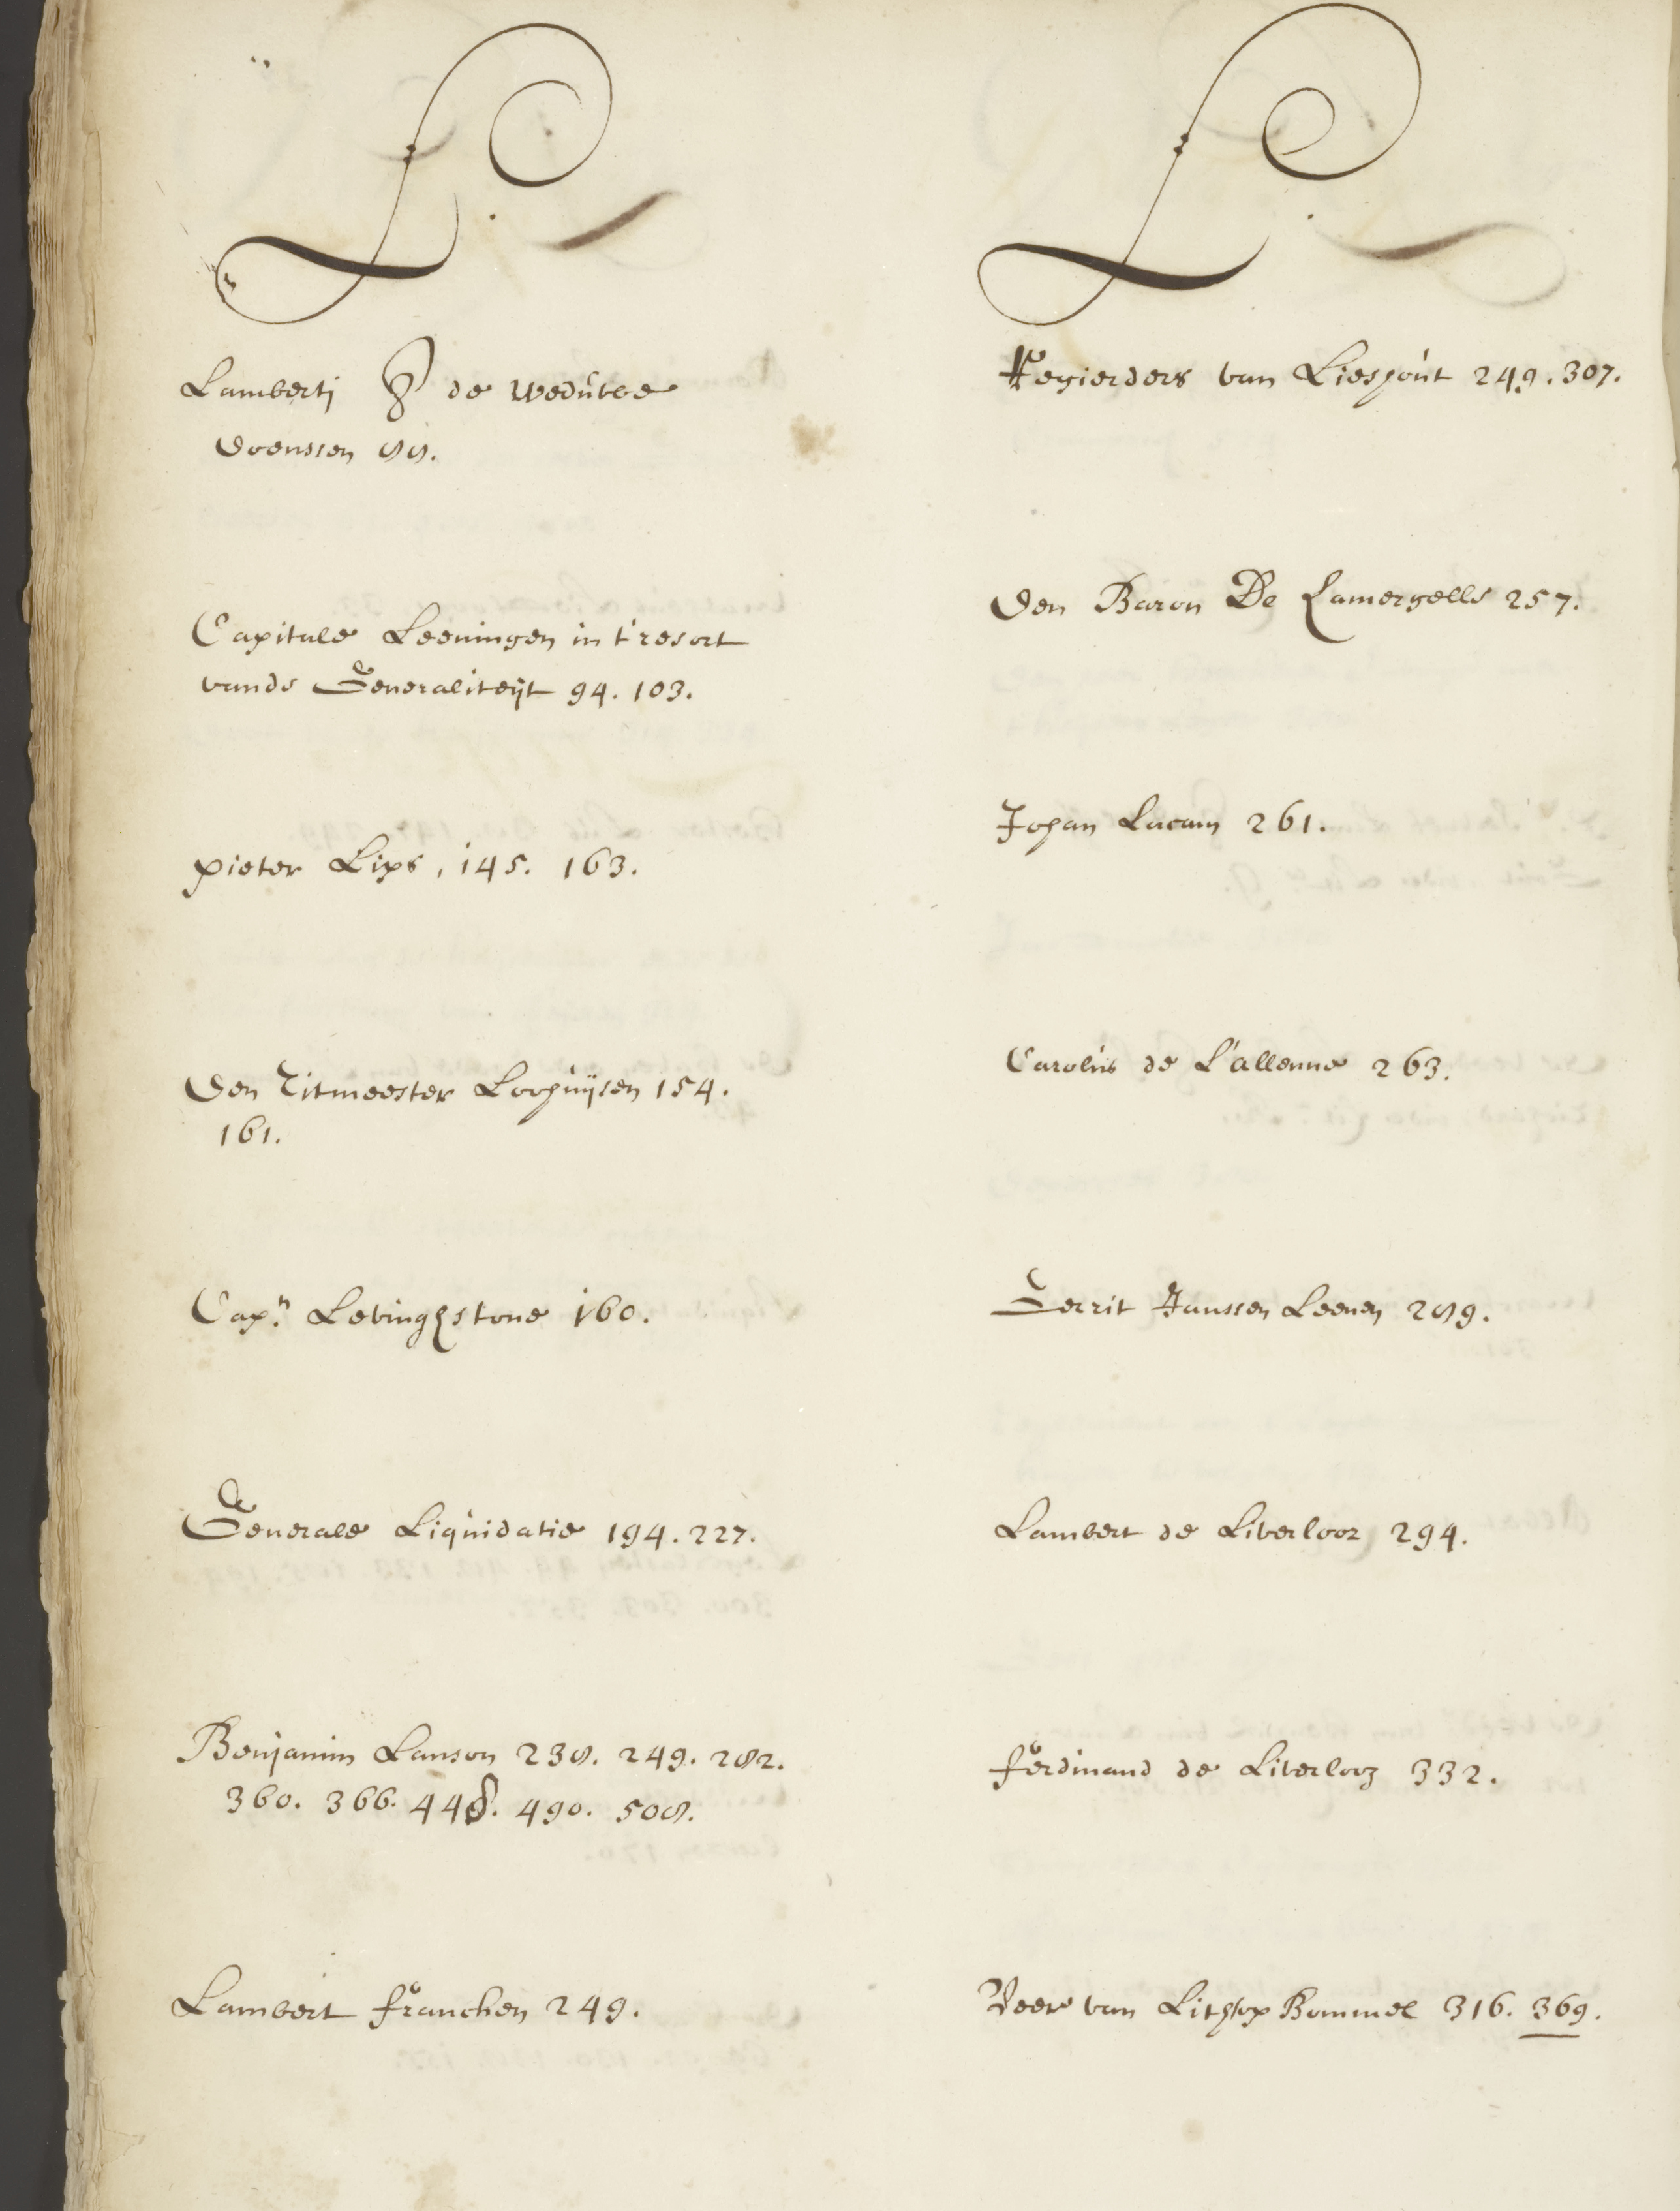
L.
Lamberti Ca. de Weduwe
Doenssen 88.
Capitale Leeningen in t‛resort
vande Generaliteijt 94. 103.
Pieter Lips, 145. 163.
Den Ritmeester Loohuijsen 154.
161.
Capn. Levinghstone 160.
Generale Liquidatie 194. 227.
Benjamin Lansen 238. 249. 282.
360. 366. 448. 490. 508.
Lambert Francken 249.
L.
Regierders van Lieshout 249. 307.
Den Baron De Lamergells 257.
Johan Lacam 261.
Carolus de L‛Allenne 263.
Gerrit Janssen Leenen 289.
Lambert de Liverlooz 294.
Ferdinand de Liverlooz 332.
Veer van Lith/op Bommel 316. 369.
